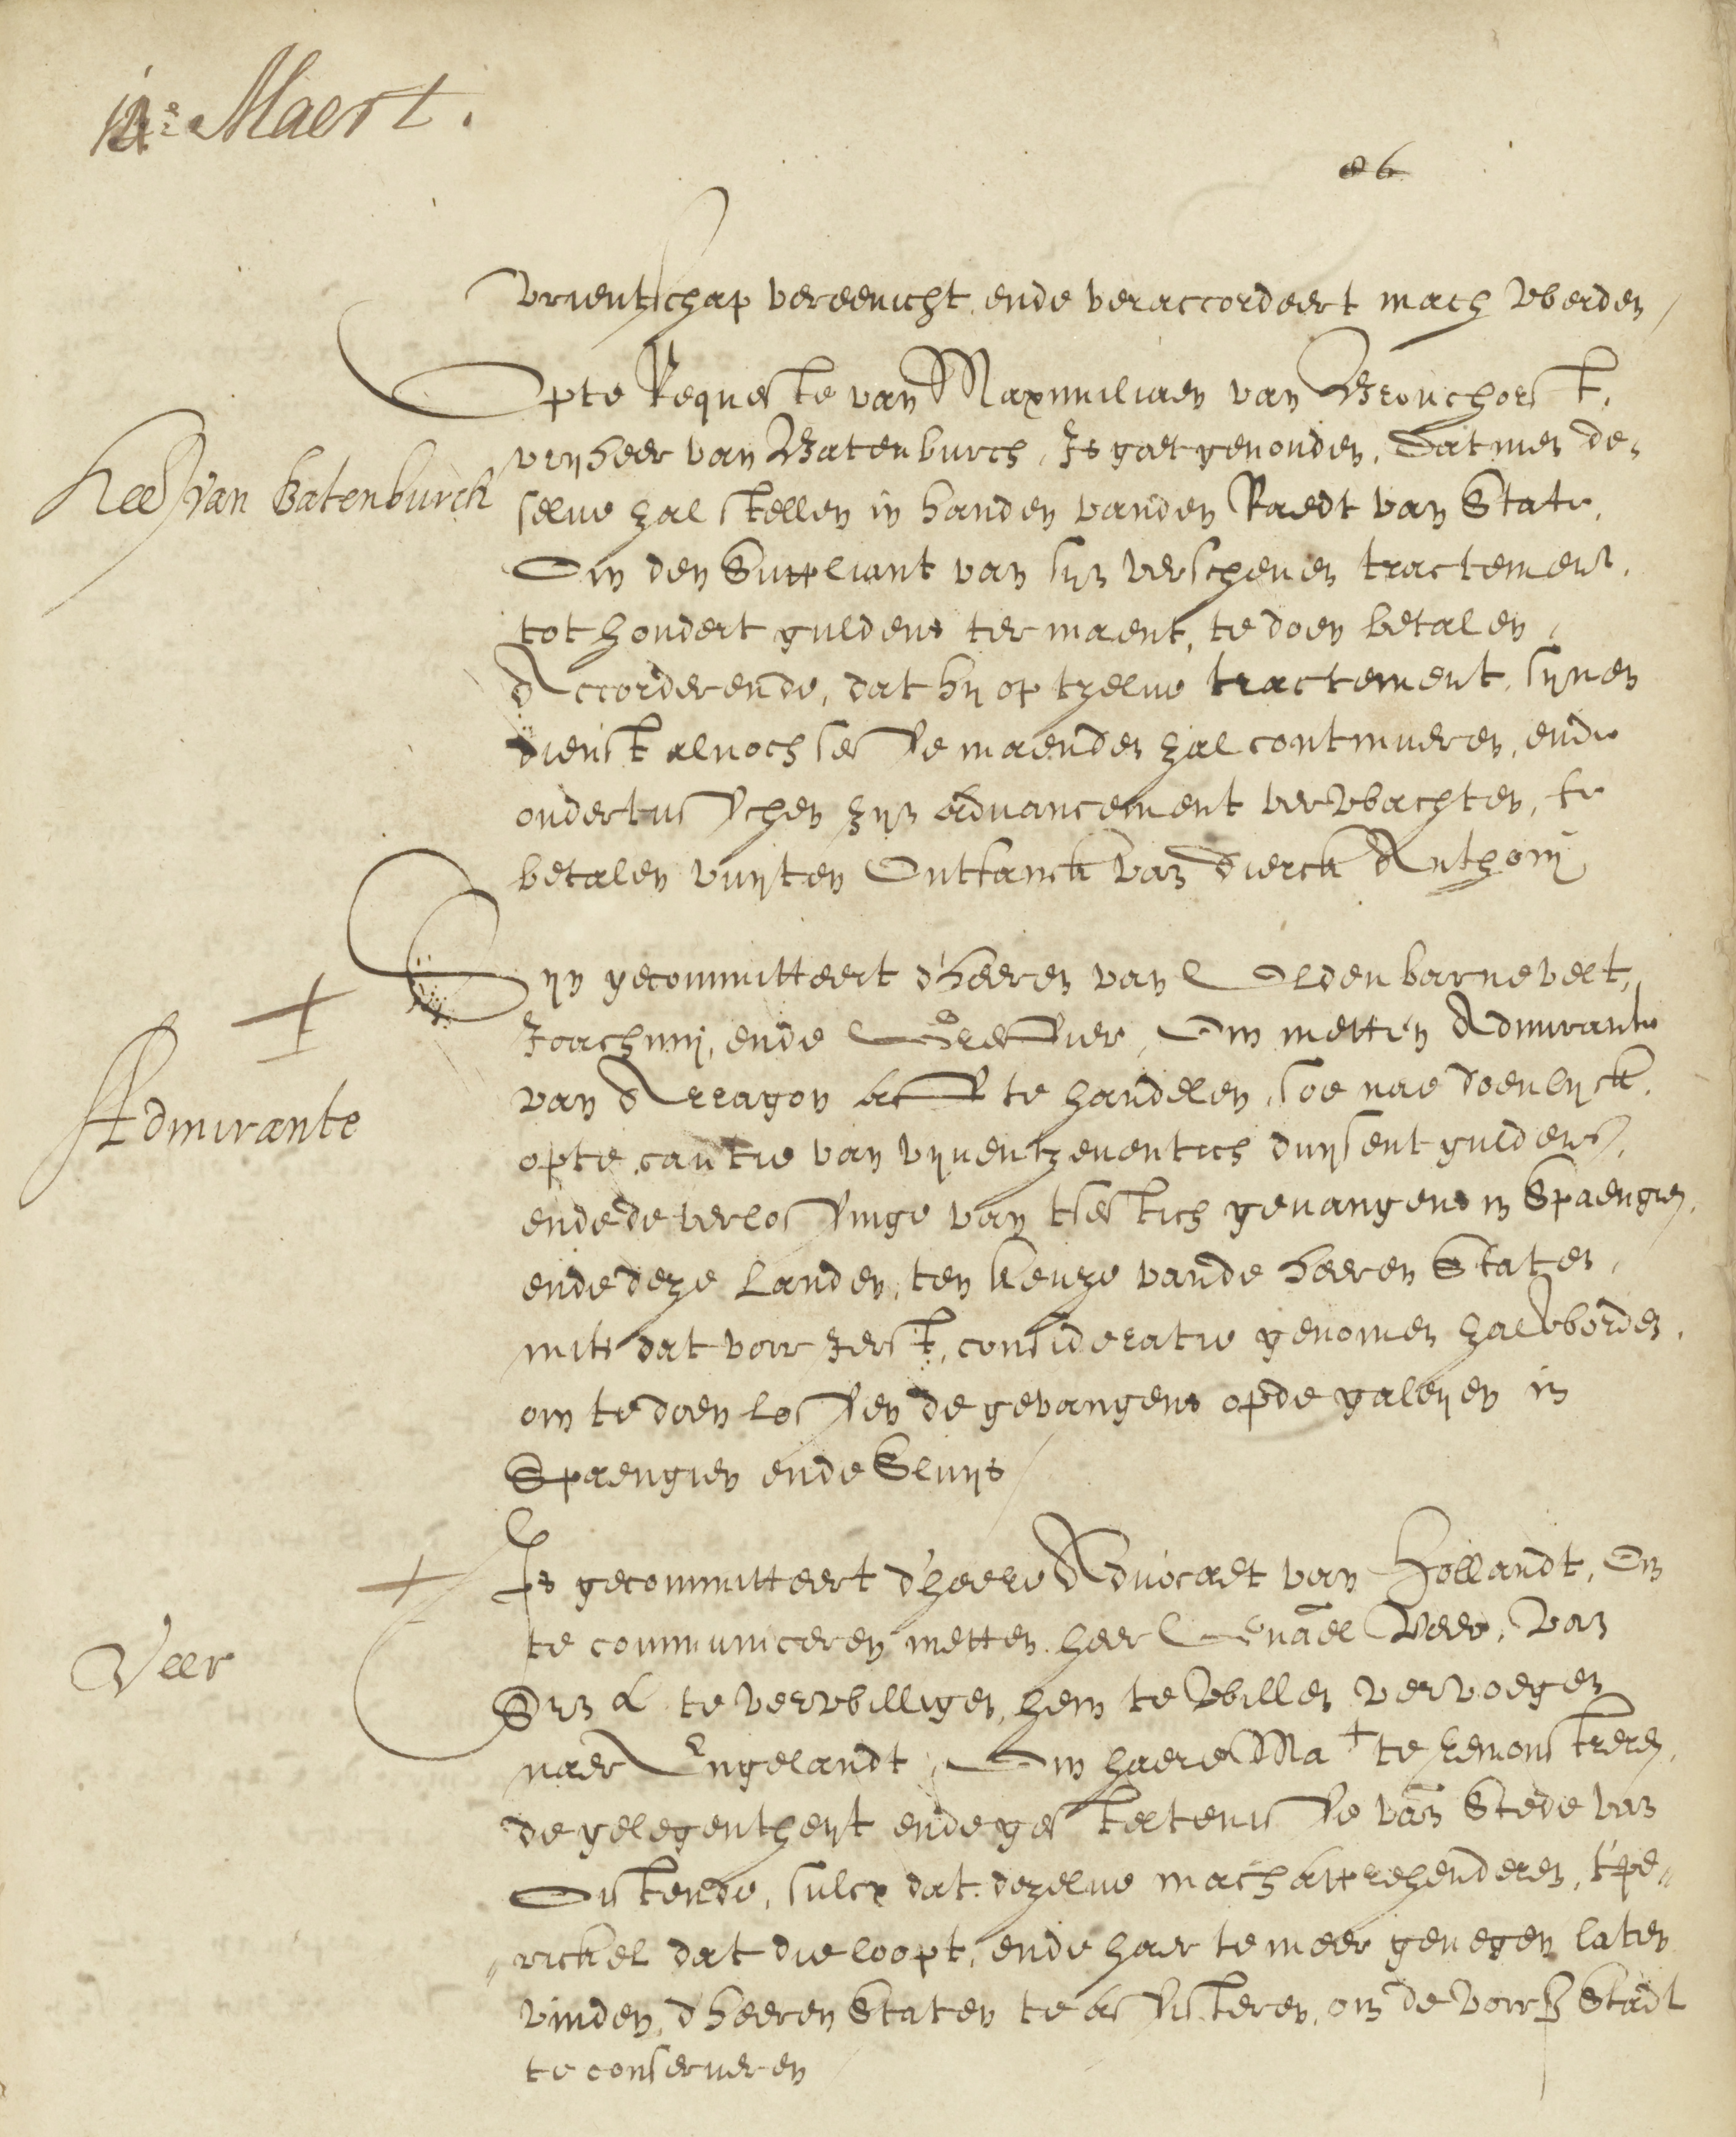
86.
14e Maert.
heer van Batenburch
vrientschap vereenicht ende veraccordeert mach werden.
Opte Requeste van Maximiliaen van Bronchorst,
vryheer van Batenburch, is goetgeuonden, dat men de,,
selue zal stellen in handen vanden Raedt van State,
om den Suppliant van syn verschenen tractement,
tot hondert guldens ter maent, te doen betalen.
Acoorderende, dat hy op tzelue tractement synen
dienst alnoch sesse maenden zal continueren, ende
ondertusschen zyn aduancement verwachten, te
betalen vuyten ontfanck van dierck Anthonij
Admirante
Syn gecommitteert d'heeren van Oldenbarnevelt,
Joachimi, ende Greffier, om metten Admirante
van Arragon aff te handelen, soe nae doenlyck,
opte cautie van vyuentzeuentich duysent guldens,
ende de verlossinge van tsestich geuangens in Spaengien,
ende deze landen, ten keuze vande heeren Staten,
mits dat voir ierst consideratie genomen zal worden,
om te doen lossen de de gevangens opde galeyen in
Spaengien ende Sluys.
Veer
Is gecommitteert d'heere Aduocaet van Hollandt, om
te communiceren metten heer Gnael Veer, van
Syn L. te verwilligen, hem te willen vervoegen
naer Engelandt, om haere Mat. te remonstreren,
de gelegentheyt ende gesteltenisse van Stede van
Oistende, sulcx dat dezelue mach apprehenderen, t'pe,,
„rickel dat die loopt, ende haer te meer genegen laten
vinden, d'heeren Staten te assisteren, om de voirs Stadt
te conserueren
